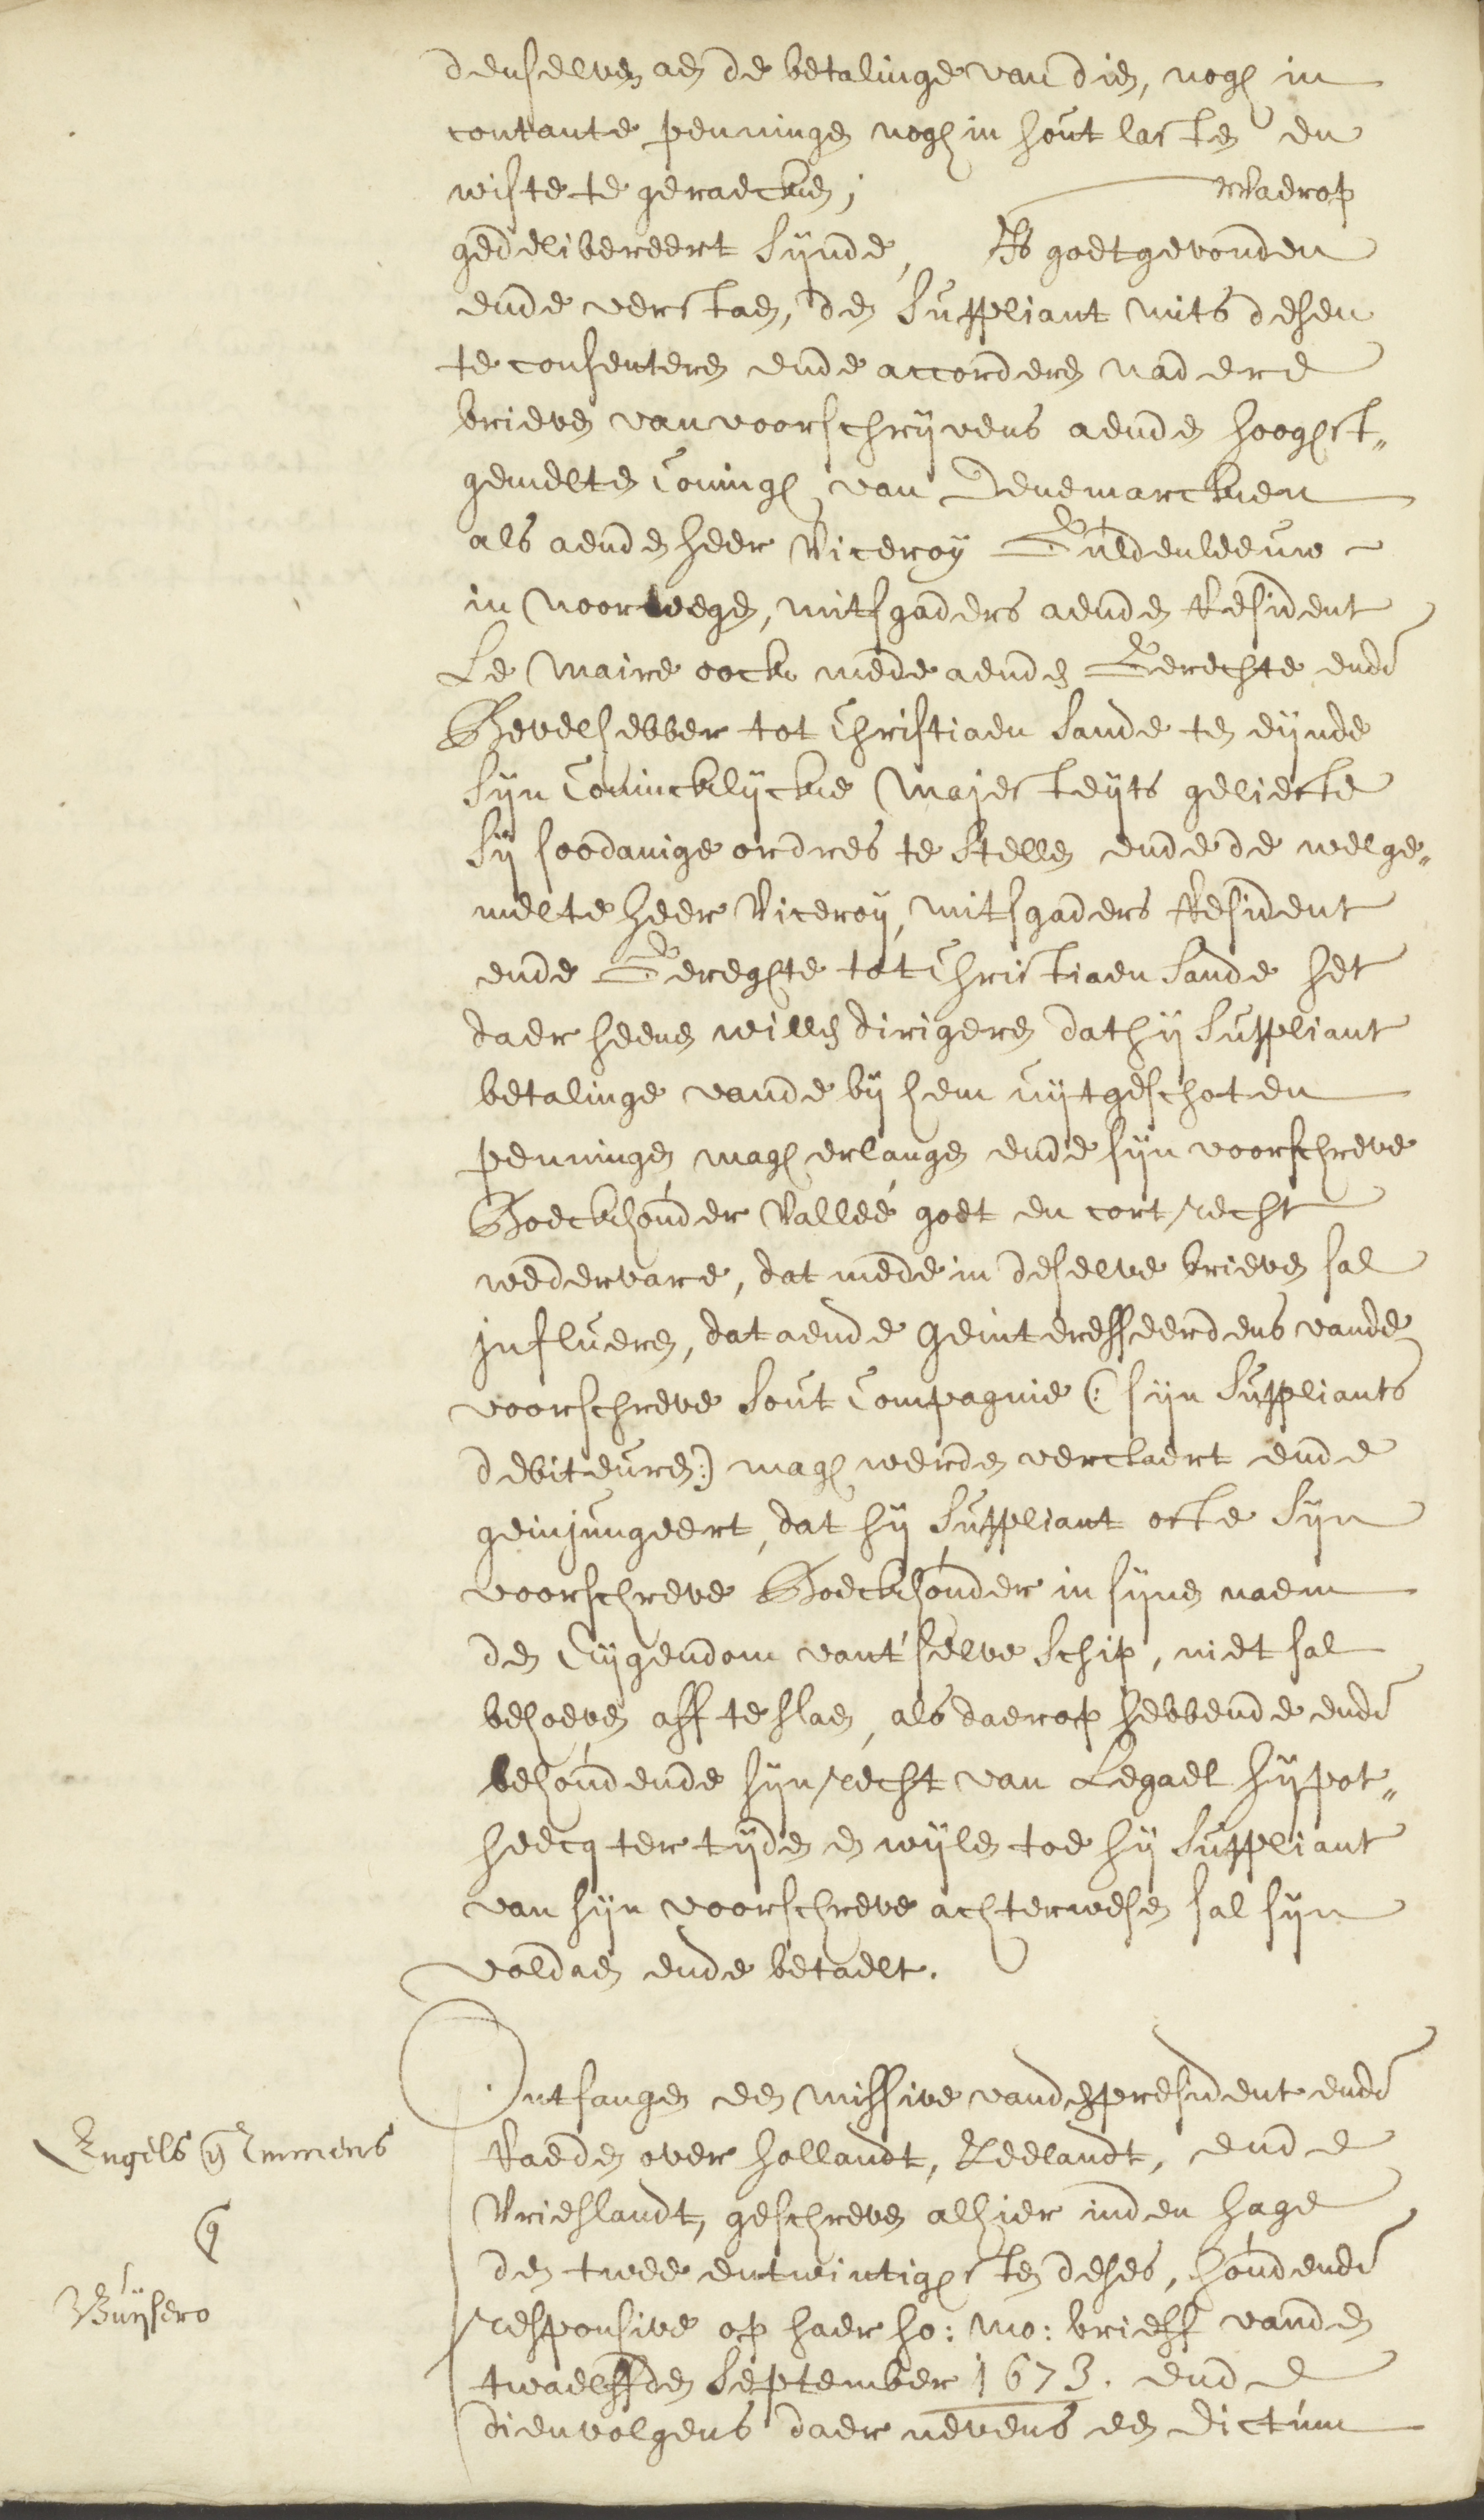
denselven aen de betalinge van dien, nogh in
contante penningen nogh in hout lasten en
wiste te geraecken: Waerop
gedelibereert sijnde, is goetgevonden
ende verstaen, den Suppliant mits desen
te consenteren ende accorderen nadere
brieven van voorschrijvens aende hooghst
gemelte Coningh van Denemarcken
als aende heer Viceroij Guldenleeuw
in Noorwegen, mitsgaders aenden Resident
Le Maire oock mede aenden Gerechte ende
Bevelhebber tot Christiaen Sande ten eijnde
sinj Conincklijcke Majesteijts geliefte
sij soodanige ordres te stellen ende de welge„
melte heer Viceroij, mitsgaders Resident
ende Gereghte tot Christiaen Sande het
daer heenen willen dirigeren dat hij suppliant
betalinge vande bij hem uijtgeschoten
penningen magh erlangen ende sijn voorschreve
Boeckhouder Walleé goet en cort recht
wedervare, dat mede in deselve brieven sal
influeren, dat aende geinteresseerdens vande
voorschreve sout Compagnie (:sijn suppliants
debiteuren:) magh werden verclaert ende
geinjungeert, dat hij suppliant ofte sijn
voorschreve Boeckhouder in sijnen naem
den Eijgendom vant' selve schip, niet sal
behoeven aft te slaen, als daerop hebbende ende
behoudende sijn recht van legael hijpot,,
heecq ter tijden & wijlen toe sij suppliant
van sijn voorschreve achterwesen sal sijn
voldaen ende betaelt.
Engels & Emmens
ca
Buijsero
Ontfangen een missive vande president ende
Raeden over Hollandt, Zeelandt, ende
Vrieslandt, geschreven alhier inden hage
den tweeentwintighsten deses, houdende
responsive op haer Ho:Mo: brieff vanden
twaelffden September 1673 ende
dienvolgens daer nevens een Dictum
